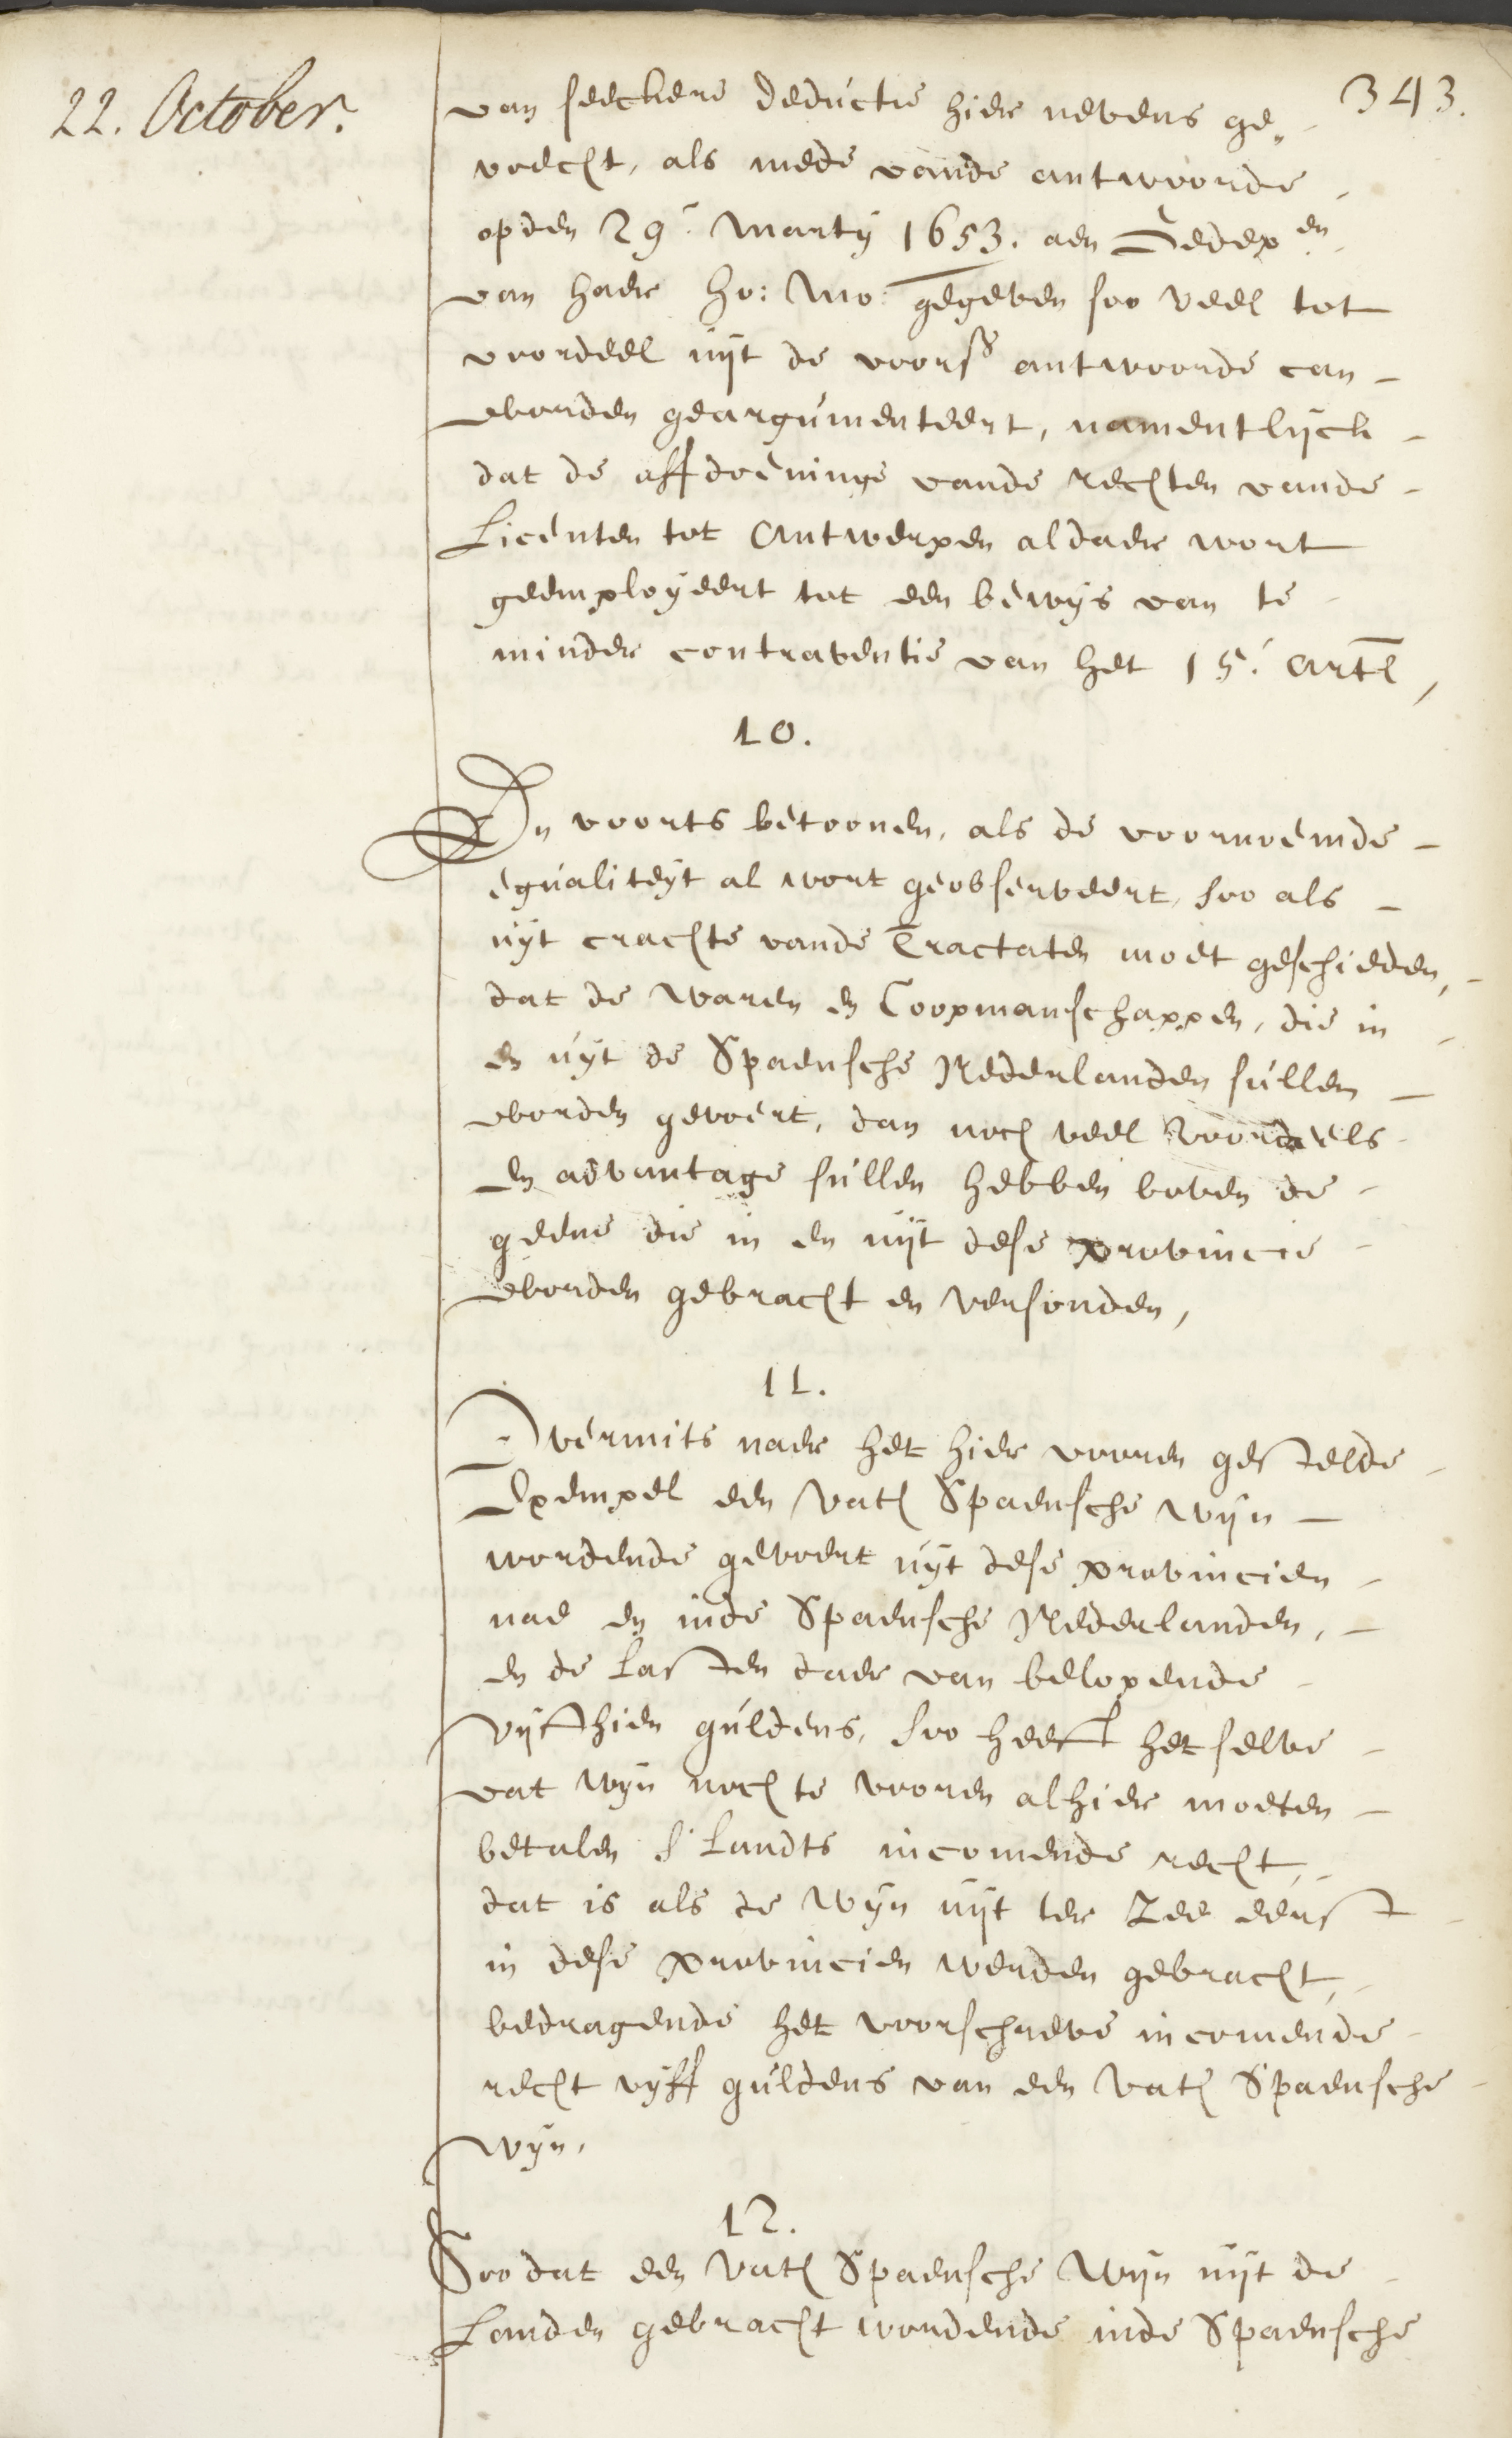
343.
22. October.
van seeckere deductie hier nevens ge„
voecht, als mede vande antwoorde
opden 29e. Martij 1653. aen Gedepen.
van haer Ho:Mo: gegeven soo veel tot
voordeel uijt de voors antwoorde can
worden geargumenteert, namentlijck
dat de affdoeninge vande rechten vande
Licenten tot Antwerpen aldaer wort
geemploijeert tot een bewijs van te
minder contraventie van het 15e. artl.
10.
En voorts betoonen, als de voornoemde
egualiteijt al wort geobserveert, soo als
uijt crachte vande Tractaten moet geschieden,
dat de waren en Coopmanschappen, die in
en uijt de Spaensche Nederlanden sullen
worden gevoert, dan noch veel voordeels
en advantage sullen hebben boven de
geene die in en uijt dese provincie
worden gebracht en versonden.
11.
Overmits naer het hier vooren gestelde
exempel een vath Spaensche wijn
wordende gevoert uijt dese provincien
nae en inde Spaensche Nederlanden,
en de lasten daer van belopende
vijfthien guldens, soo heeft het selve
vat wijn noch te vooren alhier moeten
betalen s'Landts incomende recht,
dat is als de wijn uijt ter Zee eerst
in dese provincien werden gebracht,
bedragende het voorschreve incomende
recht vijff guldens van een vath Spaensche
wijn.
12.
Soo dat een vath Spaensche wijn uijt de
Landen gebracht wordende, inde Spaensche
